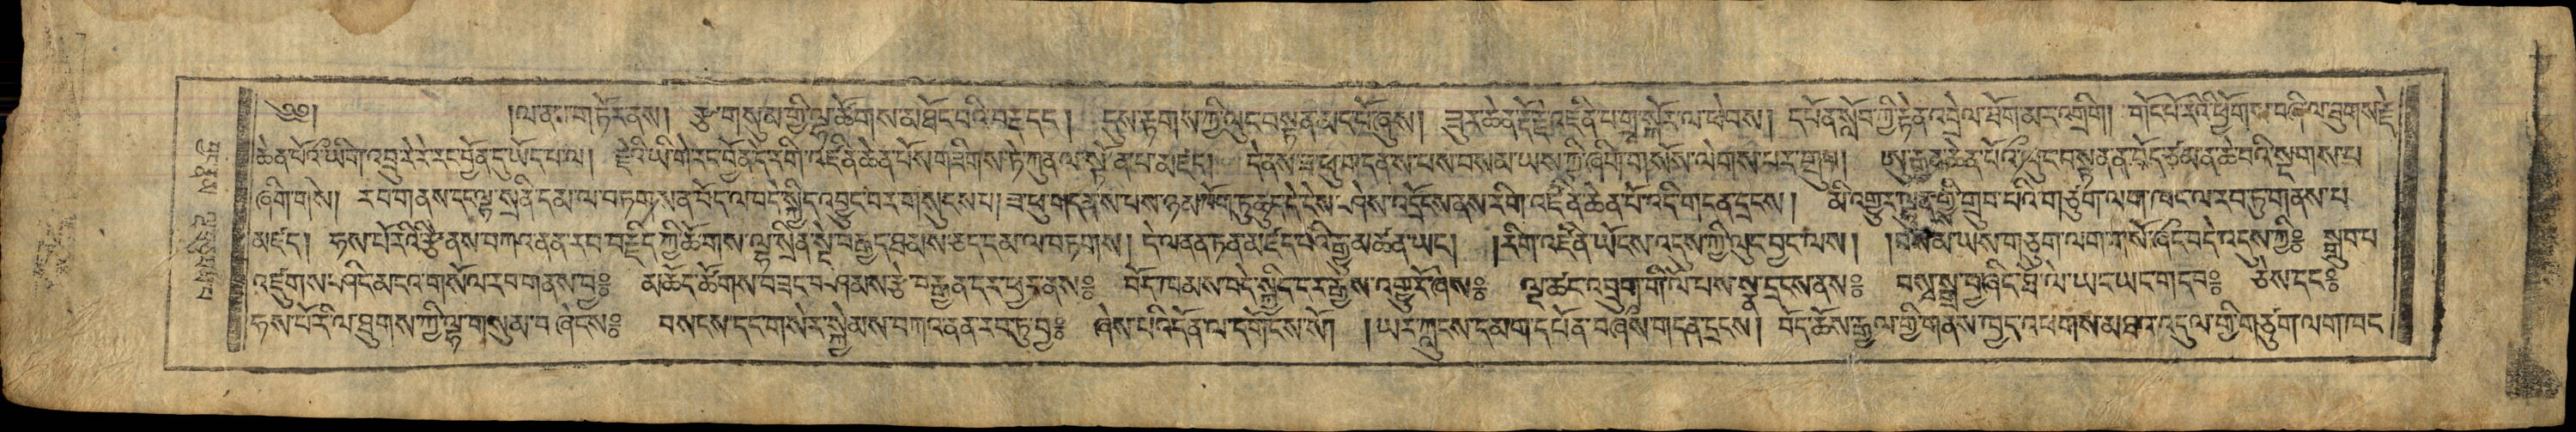༄༅། །ལ་ནས་གཏོར་ནས། རྩ་གསུམ་གྱི་ལྷ་ཚོགས་མཐོང་བའི་བརྡ་དང་། དུས་རྟགས་ཀྱི་ལུང་བསྟན་མང་པོ་ཞུས། ཟུར་ཆེན་རྡོ་རྗེ་འཛིན་པ་གྲྭ་སྐོར་ལ་ཕེབས། དཔོན་སློབ་ཀྱི་རྟེན་འབྲེལ་ཐོག་མར་འགྲིག། གོང་པོ་རིའི་ཕྱོགས་བཞི་ལ་ཐུགས་རྗེ་
ཆེན་པོཨཱྀ་ཡིག་འབྲུ་རེ་རེ་རང་བྱོན་དུ་ཡོད་པ་ལ། རྗེའི་ཡི་གེ་རང་བྱོན་དེ་རིག་འཛིན་ཆེན་པོས་གཟིགས་ཏེ་ཀུན་ལ་སྟོན་པ་མཛད། དེ་ན་ཟ་ཕུ་གདན་ས་པས་བསམ་ཡས་གྱི་ཞིག་གསོས་ལེགས་པར་གྲུབ། ཨུ་རྒྱན་ཆེན་པོཨཱྀ་ལུང་བསྟན་ན་བོད་ཙམ་ན་ཆེ་བའི་སྔགས་པ་
ཞིག་གིས། རབ་གནས་དང་ལྷ་སྲིན་དམ་ལ་བཏགས་ན་བོད་ལ་བདེ་སྐྱིད་འབྱུང་བར་གསུངས་པ། ཟ་ཕུ་གདན་ས་པས་ཉམ་ཁོག་?་ཏུ་ཆུད་དེ་ངེས་ཤེས་འདྲོངས་ནས་རིག་འཛིན་ཆེན་པོ་འདི་གདན་དྲངས། མི་འགྱུར་ལྷུན་གྱིས་གྲུབ་པའི་གཙུག་ལག་ཁང་ལ་རབ་ཏུ་གནས་པ་
མཛད། ཧས་པོ་རིའི་རྩེ་ནས་བཀའ་ནན་རབ་བརྗིད་ཀྱི་ཆོ་གས་ལྷ་སྲིན་སྡེ་བརྒྱད་ཐམས་ཅད་དམ་ལ་བཏགས། དེ་ལ་ནན་ཏན་མཛད་པའི་རྒྱུ་མཚན་ཡང་། །རིག་འཛིན་ཡོངས་འདུས་ཀྱི་ལུང་བྱང་ལས། །བསམ་ཡས་གཙུག་ལག་གསོ་ཞྀང་བདེ་འདུས་ཀྱིཿ་སྒྲུབ་པ་
འཛུགས་ཤིང་མངའ་གསོལ་རབ་གནས་བྱཿ་མཆོད་ཚོགས་བཟང་བཤམས་རྩེ་བརྒྱན་དང་ཕྱར་ནསཿ་བོད་ཁམས་བདེ་སྐྱིད་དར་རྒྱས་འགྱུ་རོ་ཞེསཿ་ལྔ་ཚང་འབྲུག་གི་ལོ་པས་སྣ་དྲངས་ནསཿ་བསྭ་སྒྲ་བྱ་ཞིང་ཐོ་ལེ་ཡང་ཡང་གདབཿ་ཅེས་དངཿ
ཧས་པོ་རི་ལ་ཐུགས་ཀྱི་ལྷ་གསུམ་བཞེངསཿ་བསངས་དང་གསེར་སྐྱེམས་བཀའ་ནན་རབ་ཏུ་བྱཿ་ཞེས་པའི་དོན་ལ་དགོངས་སོ། །ཡར་ཀླུངས་དམག་དཔོན་བཞྀས་གདན་དྲངས། བོད་ཆོས་རྒྱལ་གྱི་གནས་ཁྱད་འཕགས་མཐའ་འདུལ་གྱི་གཅུག་ལག་ཁང་